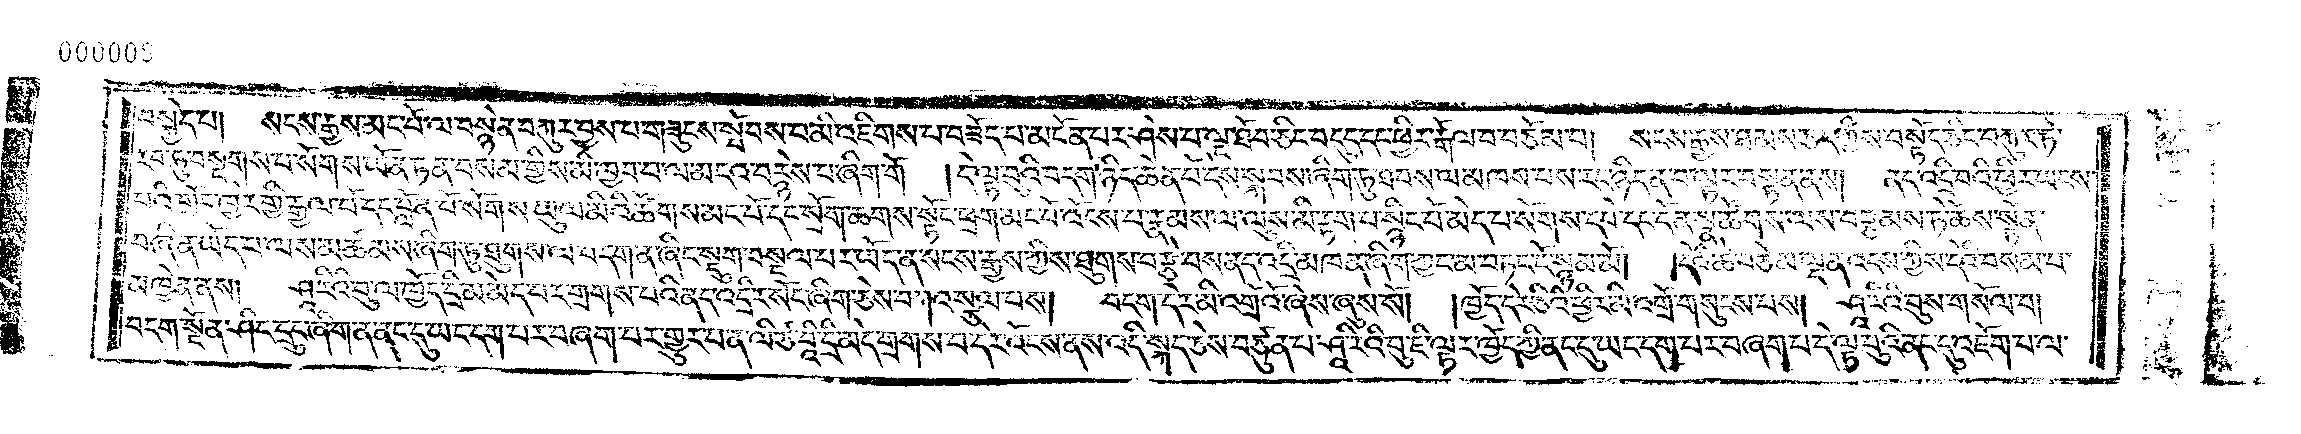བསྐྱེད་པ། སངས་རྒྱས་མང་པོ་ལ་བསྙེན་བཀུར་བྱས་པ་གཟུངས་སྤོབས་པ་མི་འཇིགས་པ་བཟོད་པ་མངོན་པར་ཤེས་པ་ལྔ་ཐོབ་ཅིང་བདུད་དང་ཕྱིར་རྒོལ་བ་བཅོམ་པ། སངས་རྒྱས་ཐམས་ཅད་ཀྱིས་བསྟོད་ཅིང་བཀུར་ཏེ་
རབ་ཏུ་བསྔགས་པ་སོགས་ཡོན་ཏན་བསམ་གྱིས་མི་ཁྱབ་པ་ལ་མངའ་བརྙེས་པ་ཞིག་གོ །དེ་ལྟ་བུའི་བདག་ཉིད་ཆེན་པོ་དེས་སྐབས་ཞིག་ཏུ་ཐབས་ལ་མཁས་པས་རང་ཉིད་ན་བལྟར་བསྟན་ནས། ནད་འདྲི་བའི་ཕྱིར་ཡངས་
པའི་གྲོང་ཁྱེར་གྱི་རྒྱལ་པོ་དང་བློན་པོ་སོགས་ཡུལ་མིའི་ཚོགས་མང་པོ་དང་སྲོག་ཆགས་སྟོང་ཕྲག་མང་པོ་འོངས་པ་རྣམས་ལ་ལུས་མི་རྟག་པ་སྙིང་པོ་མེད་པ་སོགས་དཔེ་དང་དོན་སྣ་ཚོགས་ལས་བརྩམས་ཏེ་ཆོས་སྟོན་
བཞིན་ཡོད་པ་ལས་མཚམས་ཞིག་ཏུ་ཐུགས་ལ་བདག་ན་ཞིང་སྡུག་བསྔལ་པར་ཡོད་ན་སངས་རྒྱས་ཀྱིས་ཐུགས་བརྩེ་བས་ནད་འདྲི་མཁན་ཞིག་ཀྱང་མ་བཏང་ངོ་སྙམ་མོ། །དེའི་ཚེ་བཅོམ་ལྡན་འདས་ཀྱིས་དེའི་བསམ་པ་
མཁྱེན་ནས། ཤཱ་རིའི་བུ་ལ་ཁྱོད་དྲི་མ་མེད་པར་གྲགས་པའི་ནད་འདྲིར་སོང་ཞིག་ཅེས་བཀའ་སྩལ་པས། བདག་དེར་མི་འགྲོའོ་ཞེས་ཞུས་སོ། །ཁྱོད་དེར་ཅིའི་ཕྱིར་མི་འགྲོ་གསུངས་པས། ཤཱ་རིའི་བུས་གསོལ་བ།
བདག་སྔོན་ཤིང་དྲུང་ཞིག་ན་ནང་དུ་ཡང་དག་པར་བཞག་པར་གྱུར་པ་ན་ལི་ཙ་བཱི་དྲི་མེད་གྲགས་པ་དེར་འོངས་ནས་འདི་སྐད་ཅེས་བཙུན་པ་ཤཱ་རིའི་བུ་ཇི་ལྟར་ཁྱོད་ཀྱི་ནང་དུ་ཡང་དག་པར་བཞག་པ་དེ་ལྟ་བུའི་ནང་དུ་འཇོག་པ་ལ་